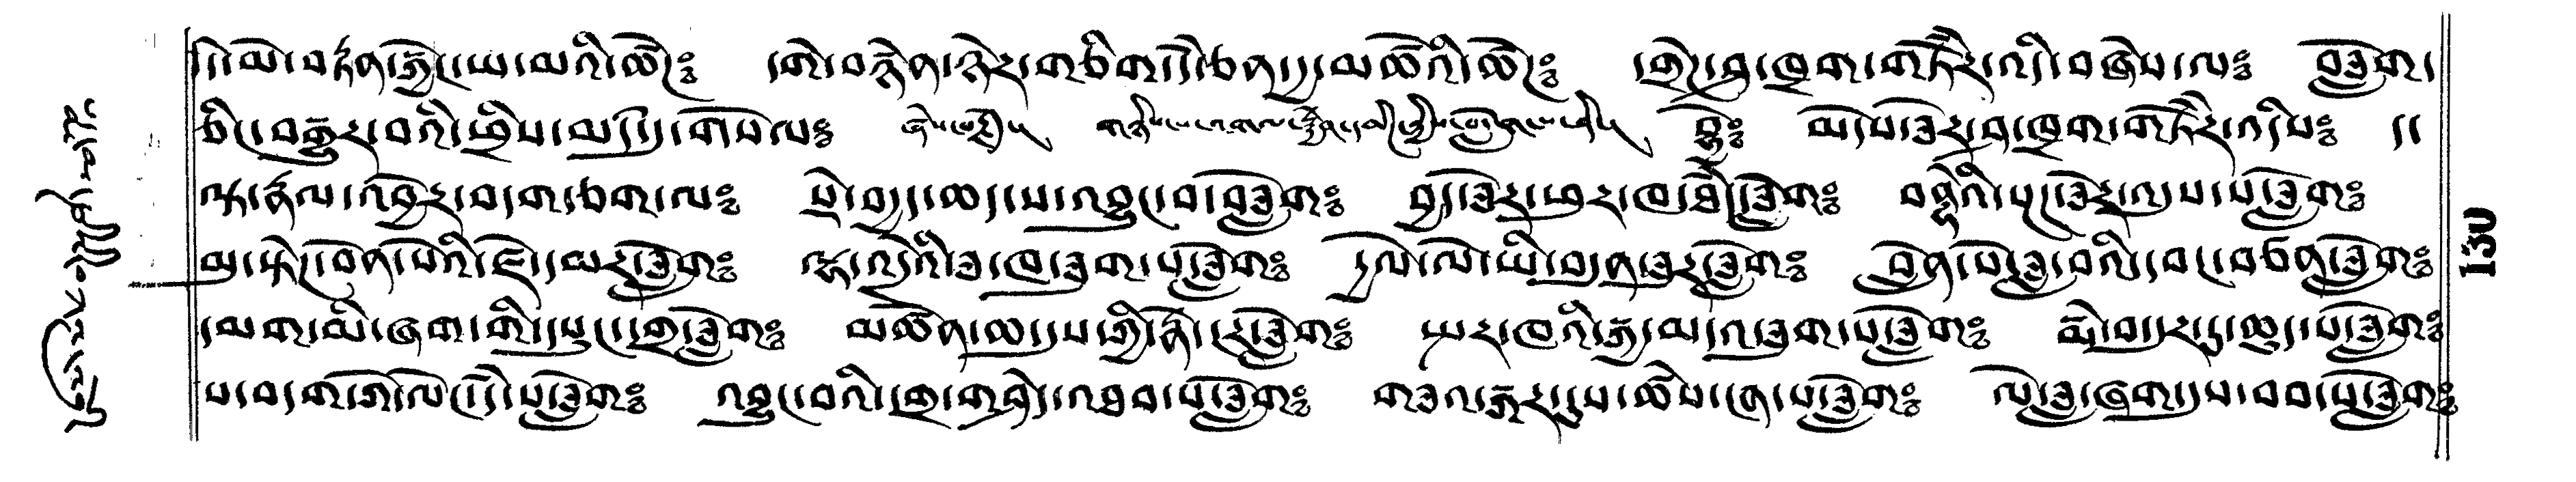དེ་མོ་བརྟན་སྐྱོང་ཡ་མའི་ཚོགས༔ དགེ་བསྙེན་ཉེར་གཅིག་དམ་ཅན་རྒྱ་མཚོའི་ཚོགས༔ དགྲ་བགེགས་ཤ་ཁྲག་གཏོར་མ་འདི་བཞེས་ལ༔ བཟློག་
ཅིང་བསྒྱུར་བའི་ཕྲིན་ལས་མཛད་དུ་གསོལ༔ ཞེས་བརྗོད། གཉིས་པ་འགལ་རྐྱེན་དམིགས་ཀྱིས་བཟློག་པ་ནི། བྷྱོ༔ མདོས་ཟོར་ཤ་ཁྲག་གཏོར་མ་འདིས༔ ད་
ལྟ་རྣལ་འབྱོར་བདག་ཅག་ལ༔ སྡེ་བརྒྱད་ཆད་པ་འབྱུང་བ་ཟློག༔ བྱད་ཟོར་ཕུར་ཁ་ཐམས་ཅད་ཟློག༔ བནྡྷེའི་སྔགས་ཟོར་འདུས་པ་ཟློག༔ 
མུ་སྟེགས་བོན་པོའི་ཛོ་དམར་ཟློག༔ ལྷ་འདྲེའི་ཟ་ཁ་ཟུག་པ་ཟློག༔ རྒྱལ་པོ་ལོ་ཡི་བདུན་ཟུར་ཟློག༔ བློན་པོ་ཟླ་བའི་དབང་བཙན་ཟློག༔ 
དམག་མི་ཞག་གི་དཔུང་དགྲ་ཟློག༔ མཚོན་ཆ་དུས་ཀྱི་རྣོ་ངར་ཟློག༔ སྤར་ཁའི་སྐྱ་མདའ་ཟུག་པ་ཟློག༔ སྨེ་བ་དུར་དུ་ཆུད་པ་ཟློག༔ 
ས་བདག་ཀོ་ལོང་དམ་པ་ཟློག༔ འབྱུང་བའི་དགྲ་བཤེད་འཐབ་པ་ཟློག༔ གཟའ་སྐར་དུས་ཚེས་ངན་པ་ཟློག༔ ལོ་ཟླ་ཞག་དུས་བབ་པ་ཟློག༔